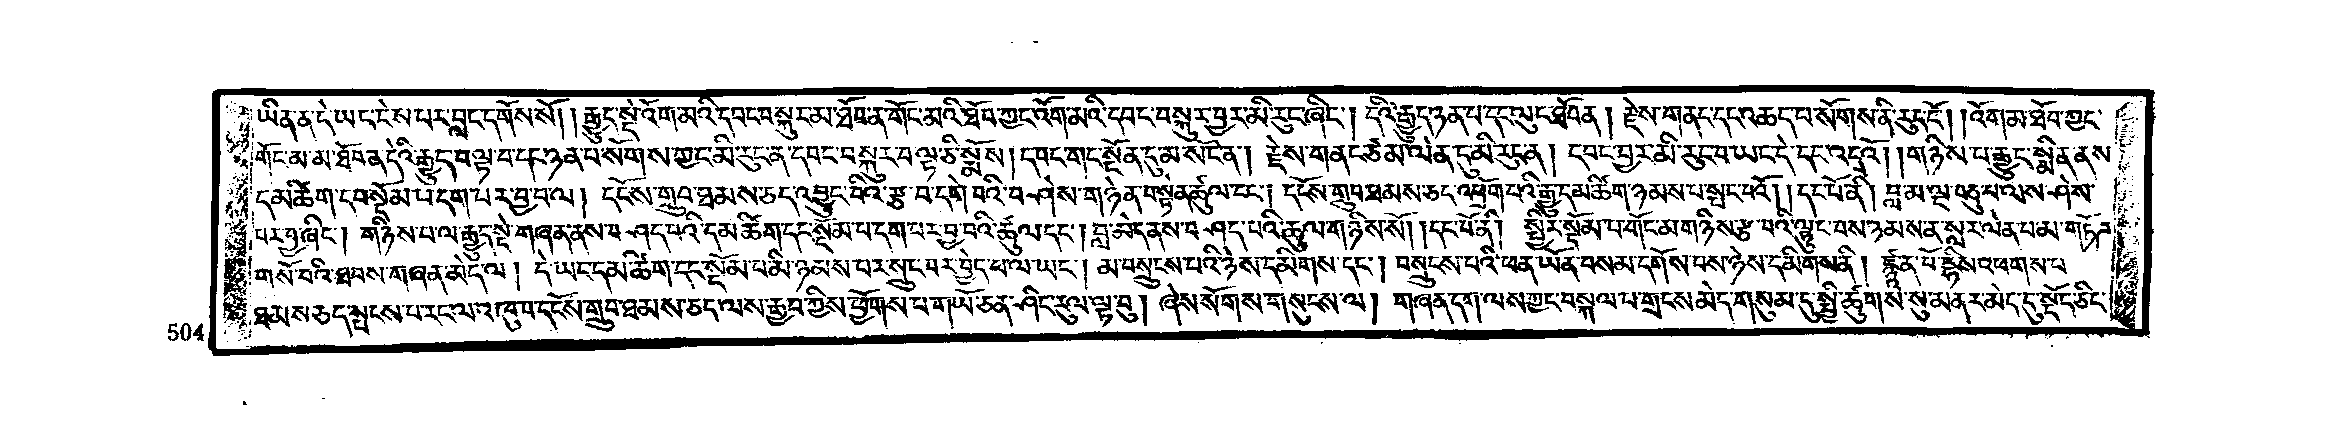ཡིན་ན་དེ་ཡང་ངེས་པར་བླང་དགོས་སོ། །རྒྱུད་སྡེ་འོག་མའི་དབང་བསྐུར་མ་ཐོབ་ན་གོང་མའི་ཐོབ་ཀྱང་འོག་མའི་དབང་བསྐུར་བྱར་མི་རུང་ཞིང་། དེའི་རྒྱུད་ཉན་པ་དང་ལུང་ཐོབ་ན། རྗེས་གནང་དང་འཆད་པ་སོགས་ནི་རུང་ངོ། །འོག་མ་ཐོབ་ཀྱང་
གོང་མ་མ་ཐོབ་ན་དེའི་རྒྱུད་བལྟ་བ་དང་ཉན་པ་སོགས་ཀྱང་མི་རུང་ན་དབང་བསྐུར་བ་ལྟ་ཅི་སྨོས། དབང་གང་སྔོན་དུ་མ་སོང་ན། རྗེས་གནང་ཙམ་ལེན་དུ་མི་རུང་ན། དབང་བྱར་མི་རུང་བ་ཡང་དེ་དང་འདྲའོ། །གཉིས་པ་རྒྱུད་སྨིན་ནས་
དམ་ཚིག་དང་སྡོམ་པ་དག་པར་བྱ་བ་ལ། དངོས་གྲུབ་ཐམས་ཅད་འབྱུང་བའི་རྩ་བ་དགེ་བའི་བཤེས་གཉེན་བསྟེན་ཚུལ་དང་། དངོས་གྲུབ་ཐམས་ཅད་འཕྲོག་པའི་རྒྱུ་དམ་ཚིག་ཉམས་པ་སྤང་བའོ། །དང་པོ་ནི། བླ་མ་ལྔ་བཅུ་པ་ལས་ཤེས་
པར་བྱ་ཞིང་། གཉིས་པ་ལ་རྒྱུད་སྡེ་གཞན་ནས་བཤད་པའི་དམ་ཚིག་དང་སྡོམ་པ་དག་པར་བྱ་བའི་ཚུལ་དང་། བླ་མེད་ནས་བཤད་པའི་ཚུལ་གཉིས་སོ། །དང་པོ་ནི། སྤྱིར་སྡོམ་པ་གོང་མ་གཉིས་རྩ་བའི་ལྟུང་བས་ཉམས་ན་སླར་ལེན་པ་མ་གཏོགས་
གསོ་བའི་ཐབས་གཞན་མེད་ལ། དེ་ཡང་དམ་ཚིག་དང་སྡོམ་པ་མེ་ཉམས་པར་སྲུང་བར་བྱེད་པ་ལ་ཡང་། མ་བསྲུངས་པའི་ཉེས་དམིགས་དང་། བསྲུངས་པའི་ཕན་ཡོན་བསམ་དགོས་པས་ཉེས་དམིགས་ནི། ཛྙཱ་ན་བོ་དྷིས་འཕགས་པ་
ཐམས་ཅད་སྤངས་པ་རང་ལ་འཁུ་བ་དངོས་གྲུབ་ཐམས་ཅད་ལས་རྒྱབ་ཀྱིས་ཕྱོགས་པ་གཡོ་ཅན་ཤིང་རུལ་ལྟ་བུ། ཞེས་སོགས་གསུངས་ལ། གཞན་དག་ལས་ཀྱང་བསྐལ་པ་གྲངས་མེད་གསུམ་དུ་སྤྱི་ཚུགས་སུ་མནར་མེད་དུ་སྡོད་ཅིང་